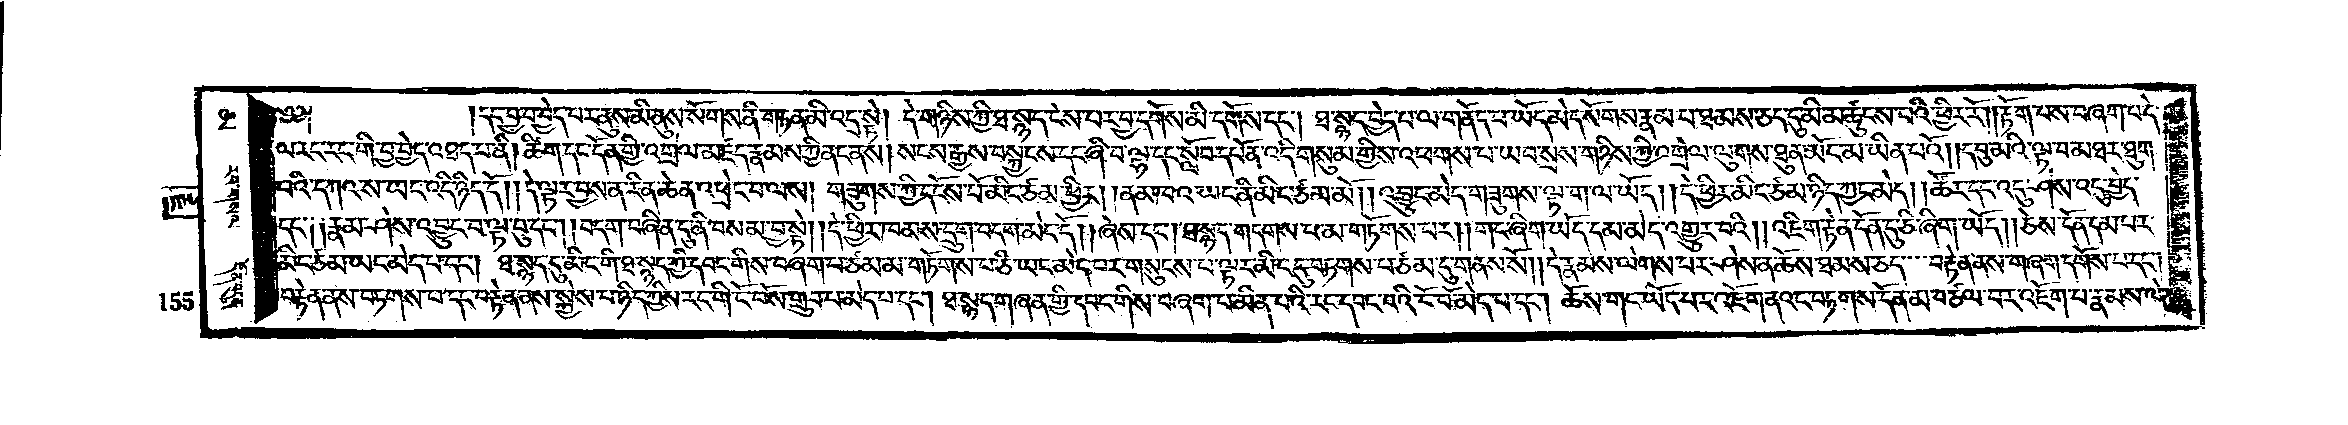༄༅། །དང་བྱ་བ་བྱེད་པར་ནུས་མི་ནུས་སོགས་ནི་གཏན་མི་འདྲ་སྟེ། དེ་གཉིས་ཀྱི་ཐ་སྙད་ངེས་པར་བྱ་དགོས་མི་དགོས་དང་། ཐ་སྙད་བྱེད་པ་ལ་གནོད་པ་ཡོད་མེད་སོགས་རྣམ་པ་ཐམས་ཅད་དུ་མི་མཚུངས་པའི་ཕྱིར་རོ། །རྟོག་པས་བཞག་པ་དེ་
ལ་རང་རང་གི་བྱ་བྱེད་འཐད་པ་ནི། ཚིག་དང་དོན་གྱི་འགྲེལ་མཛད་རྣམས་ཀྱི་ནང་ནས། སངས་རྒྱས་བསྐྱངས་དང་ཞི་བ་ལྷ་དང་སློབ་དཔོན་འདི་གསུམ་གྱིས་འཕགས་པ་ཡབ་སྲས་གཉིས་ཀྱི་འགྲེལ་ལུགས་ཐུན་མོང་མ་ཡིན་པའོ། །དབུ་མའི་ལྟ་བ་མཐར་ཐུག་
པའི་དཀའ་ས་ཡང་འདི་ཉིད་དོ། །དེ་ལྟར་བྱས་ན་རིན་ཆེན་འཕྲེང་བ་ལས། གཟུགས་ཀྱི་དངོས་པོ་མིང་ཙམ་ཕྱིར། །ནམ་མཁའ་ཡང་ནི་མིང་ཙམ་མོ། །འབྱུང་མེད་གཟུགས་ལྟ་ག་ལ་ཡོད། །དེ་ཕྱིར་མིང་ཙམ་ཉིད་ཀྱང་མེད། །ཚོར་དང་འདུ་ཤེས་འདུ་བྱེད་
དང་། །རྣམ་ཤེས་འབྱུང་བ་ལྟ་བུ་དང་། །བདག་བཞིན་དུ་ནི་བསམ་བྱ་སྟེ། །དེ་ཕྱིར་ཁམས་དྲུག་བདག་མེད་དོ། །ཞེས་དང་། ཐ་སྙད་གདགས་པ་མ་གཏོགས་པར། །གང་ཞིག་ཡོད་དམ་མེད་འགྱུར་བའི། །འཇིག་རྟེན་དོན་དུ་ཅི་ཞིག་ཡོད། །ཅེས་དོན་དམ་པར་
མིང་ཙམ་ཡང་མེད་པ་དང་། ཐ་སྙད་དུ་མིང་གི་ཐ་སྙད་ཀྱི་དབང་གིས་བཞག་པ་ཙམ་མ་གཏོགས་པ་ཅི་ཡང་མེད་པར་གསུངས་པ་ལྟར་མིང་དུ་བཏགས་པ་ཙམ་དུ་གནས་སོ། །དེ་རྣམས་ལེགས་པར་ཤེས་ན་ཆོས་ཐམས་ཅད་བརྟེན་ནས་གཞག་དགོས་པ་དང་།
བརྟེན་ནས་བཏགས་པ་དང་བརྟེན་ནས་སྐྱེས་པ་ཉིད་ཀྱིས་རང་གི་ངོ་བོས་གྲུབ་པ་མེད་པ་དང་། ཐ་སྙད་གཞན་གྱི་དབང་གིས་བཞག་པ་མིན་པའི་རང་དབང་བའི་ངོ་བོ་མེད་པ་དང་། ཆེས་གང་ཡོད་པར་འཇོག་ནའང་བཏགས་དོན་མ་བཙལ་བར་འཇོག་པ་རྣམས་ལེགས་